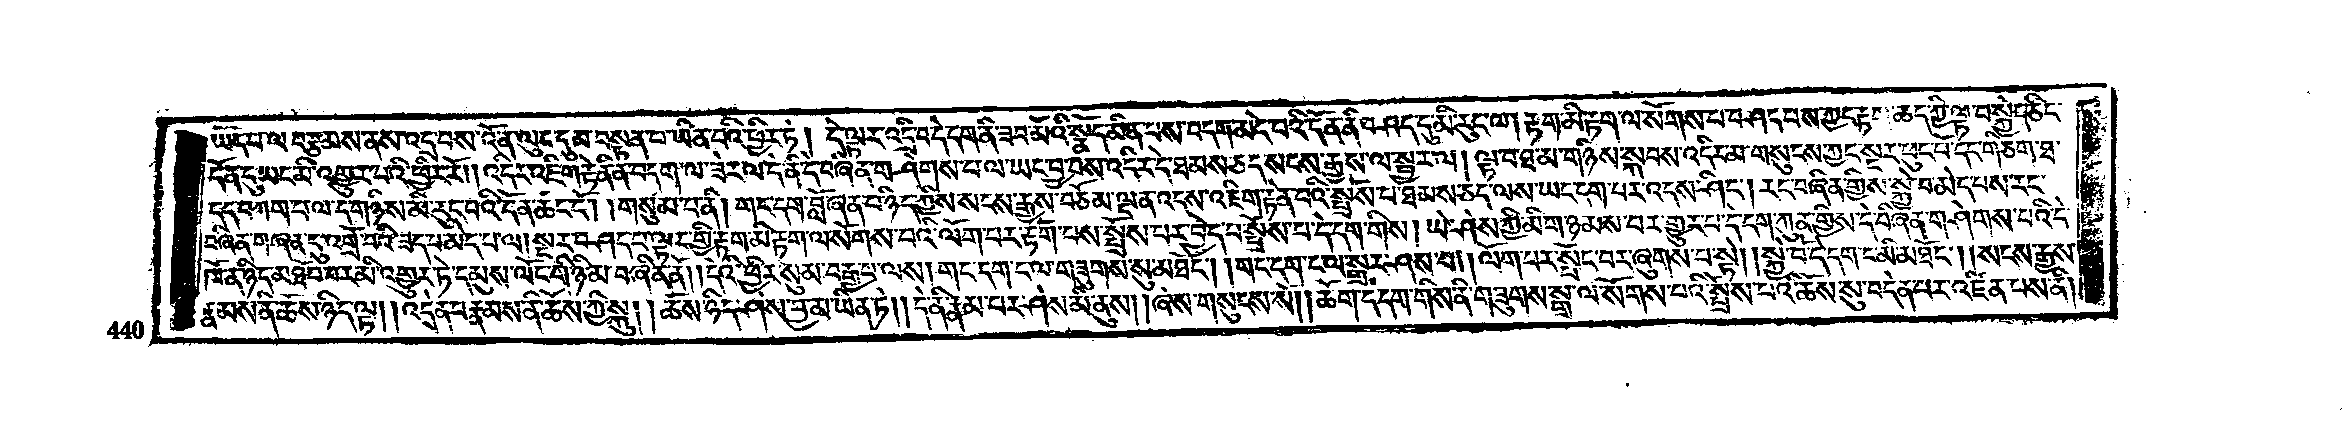ཡོད་པ་ལ་བརྩམས་ནས་འདི་བས་འོ་ན་ལུང་དུ་མ་བསྟན་པ་ཡིན་པའི་ཕྱིར་ཏེ། དེ་ལྟར་འདྲི་བ་དེ་དག་ནི་ཟབ་མོའི་སྨོད་མིན་པས་བདག་མེད་པའི་དོན་ནི་བཤད་དུ་མི་རུང་ལ། རྟག་མི་རྟག་ལ་སོགས་པ་བཤད་པས་ཀྱང་རྟག་ཆད་ཀྱི་ལྟ་བ་སྐྱེད་ཅིང་
དོན་དུ་ཡང་མ་འགྱུར་པའི་ཕྱིར་རོ། །འདིར་འཇིག་རྟེན་ནི་བདག་ལ་ཟེར་ལ་དེ་ནི་དེ་བཞིན་གཤེགས་པ་ལ་ཡང་བྱ་བས་འདིར་ད་ཐམས་ཅད་སངས་རྒྱས་ལ་སྦྱར་ལ། ལྟ་བ་ཐ་མ་གཉིས་སྐབས་འདིར་མ་གསུངས་ཀྱང་སྔར་ཕུང་པོ་དང་གཅིག་ཐ་
དད་བཀག་པ་ལ་དེ་གཉིས་མི་རུང་བའི་དོན་ཚང་ངོ། །གསུམ་པ་ནི། གང་དག་བློ་ཞན་པ་ཉིད་ཀྱིས་སངས་རྒྱས་བཅོམ་ལྡན་འདས་འཇིག་རྟེན་པའི་སྤྲོས་པ་ཐམས་ཅད་ལས་ཡང་དག་པར་འདས་ཤིང་། རང་བཞིན་གྱིས་སྐྱེ་བ་མེད་པས་རང་
བཞིན་གཞན་དུ་འགྲོ་བའི་ཟད་པ་མེད་པ་ལ། སྔར་བཤད་པ་ལྟར་གྱི་རྟག་མི་རྟག་ལ་སོགས་པའི་ལོག་པར་རྟོག་པས་སྤྲོས་པར་བྱེད་པ་སྤྲོས་པ་དེ་དག་གིས། ཡེ་ཤེས་ཀྱི་མིག་ཉམས་པར་གྱུར་པ་དེ་དག་ཀུན་གྱིས་དེ་བཞིན་གཤེགས་པའི་དེ་
ཁོ་ན་ཉིད་མཐོབ་བར་མི་འགྱྲུ་ཏེ་དམུས་ལང་ཉི་མ་བཞིན་ནོ། །དེའི་ཕྱིར་སུམ་བརྒྱ་པ་ལས། གང་དག་པ་ལ་གཟུགས་སུ་མཐོང་། །གང་དག་ང་ལ་སྒྲར་ཤེས་པ། །ལོག་པར་སྤོང་བར་ཞུགས་པ་སྟེ། །སྐྱེ་བོ་དེ་དག་ང་མི་མཐོང་། །སངས་རྒྱས་
རྣམས་ནི་ཆོས་ཉིད་ལྟ། །འདྲེན་པ་རྣམས་ནི་ཆོས་ཀྱི་སྐུ། །ཆོས་ཉིད་ཤེས་བྱ་མ་ཡིན་ཏེ། །དེ་ནི་རྣམ་པར་ཤེས་མི་ནུས། །ཞེས་གསུངས་སོ། །ཆག་དེ་དག་གིས་ནི་གཟུགས་སྒྲ་ལ་སོགས་པའི་སྤྲོས་པའི་ཆོས་སུ་བདེན་པར་འཛིན་པས་ནི།